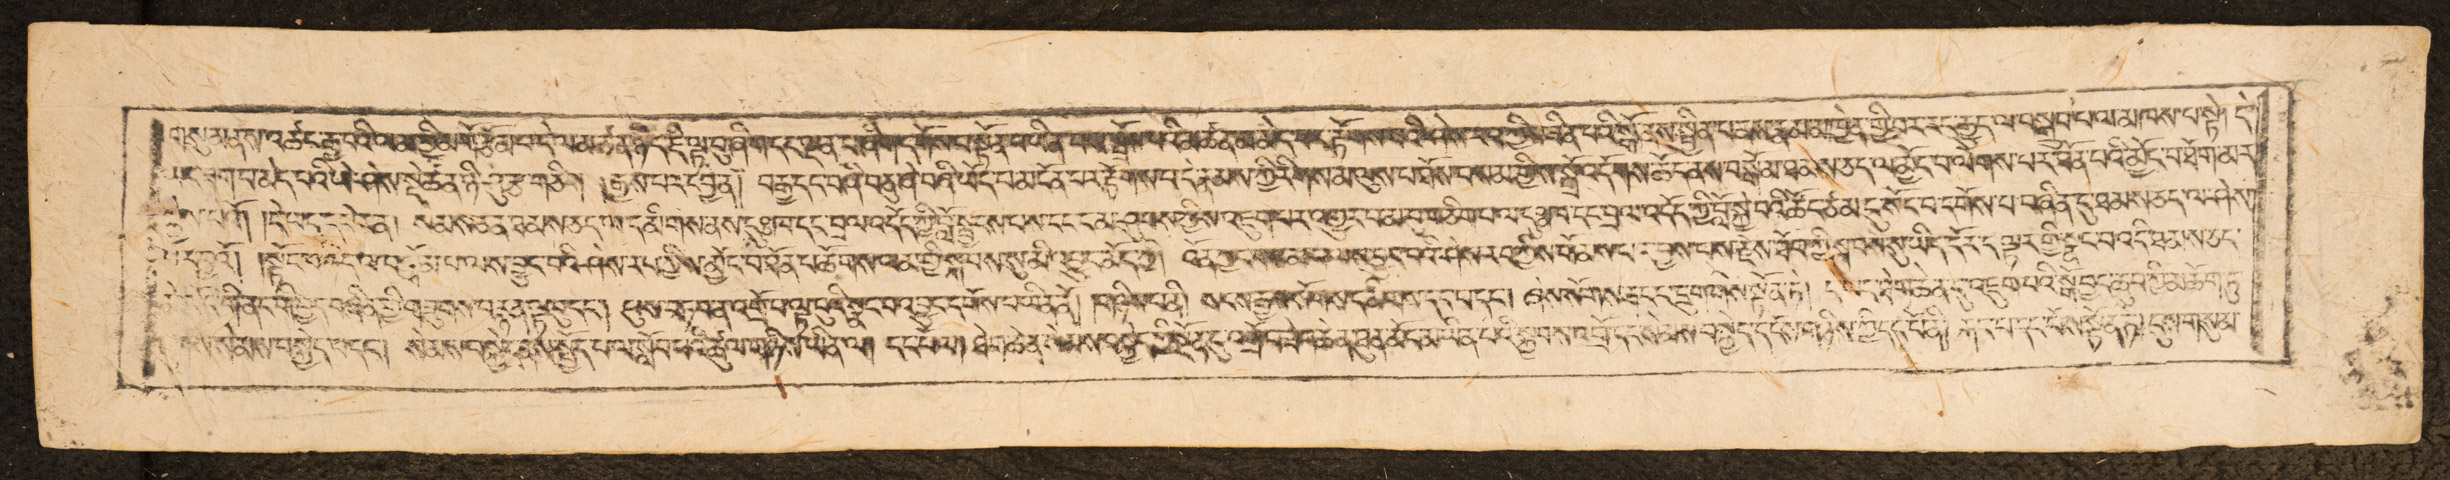གསུམ་ནས་འཚང་རྒྱ་བའི་ལམ་གྱི་མགོ་རྩོམ་པ་དེ་ལ་མཚན་ཉིད་ཇི་ལྟ་བུ་ཞིག་དང་ལྡན་པ་ཞིག་དགོས་བསྟོན་པ་ཡིན་པས་སྤྲོས་པའི་མཚན་མ་མེད་པར་རྟོགས་པའི་ཤེས་རབ་ཀྱིས་ཟིན་པའི་སྒོ་ནས་སྦྱིན་པ་ནས་རྣམ་མཁྱེན་གྱི་བར་རང་རྒྱུད་ལ་བསྒྲུབ་པ་ལ་མཁས་པ་སྟེ། དེ་
ཡང་ཟག་པ་མེད་པའི་ཡེ་ཤེས་སྡེ་ཚན་ཉི་ཤུ་རྩ་གཅིག །རྒྱས་པར་དབྱེ་ན། བརྒྱ་དང་བཞི་བཅུ་ཞེ་བཞི་ཡོད་པ་མངོན་པར་རྟོགས་པ་དེ་རྣམས་ཀྱི་རིགས་མ་ལུས་པ་ཐོས་བསམ་གྱིས་སྒྲོ་འདོགས་ཆོད་ནས་བསྒོམ་ཐམས་ཅད་ལ་མྱོང་བ་ལེགས་པར་ཐོན་པའི་མྱོང་བ་ཐོག་མར་
སྐྱེས་པའོ། །དེ་ཡང་དཔེར་ན། སེམས་ཅན་ཐམས་ཅད་ལ་དམིགས་ནས་དུཿ ཁ་དང་བྲལ་འདོད་ཀྱི་བློ་སྦྱངས་པས་དང་དམ་ཤུགས་ཀྱིས་འཇུག་པར་འགྱུར་བ་མ་བུ་གཅིག་པ་ལ་དུཿ ཁ་དང་བྲལ་འདོད་ཀྱི་བློ་སྐྱེ་བའི་ཚོང་ཙམ་དུ་སོང་བ་དགོས་པ་བཞིན་དུ་ཐམས་ཅད་ལ་ཤེས་
པར་བྱའོ། །སྟོང་པ་ཉིད་ལ་བསྒོམ་པ་ལས་བྱུང་བའི་ཤེས་རབ་ཀྱིས་མྱོང་བ་ཐོན་པ་ཚོགས་ལམ་གྱི་སྐབས་སུ་མི་འབྱུང་མོད་ཀྱི། འོན་ཀྱང་བསམ་པ་ལས་བྱུང་བའི་ཤེས་རབ་ཀྱིས་གོམས་པར་བྱས་པས་རྗེས་ཐོབ་ཀྱི་སྐབས་སུ་ཡིད་དོར་ད་ལྟར་གྱི་སྣང་བ་འདི་ཐམས་ཅད་
མེ་ལོང་གི་ནང་གི་བྱད་བཞིན་གྱི་གཟུགས་བརྙན་ལྟ་བུ་དང་། ཕུས་བཏབ་ན་འགྲོ་བ་ལྟ་བུའི་སྣང་བ་འབྱུང་དགོས་པ་ཡིན་ནོ། །གཉིས་པ་ནི། སངས་རྒྱས་སོགས་དམིགས་དད་པ་དང་། ཞེས་སོགས་རྐང་པ་དྲུག་གིས་སྟོན་ཏེ། དེ་ཡང་ཐེག་ཆེན་དུ་འཇུག་པའི་སྒོ་བྱང་ཆུབ་ཀྱི་མཆོག་ཏུ་
ཐུགས་སེམས་བསྐྱེད་པ་དང་། སེམས་བསྐྱེད་ནས་སྤྱོད་པ་ལ་སློབ་པའི་ཚུལ་གཉིས་ཡིན་ལ། དང་པོ་ལ། ཐེག་ཆེན་སེམས་བསྐྱེད་ཀྱི་སྔོན་དུ་འགྲོ་བ་ཐེག་ཆེན་ཐུན་མོང་མ་ཡིན་པའི་སྐྱབས་འགྲོ་དང་སེམས་བསྐྱེད་དངོས་གཉིས་ཀྱི་དང་པོ་ནི། རྐང་པ་དང་པོས་སྟོན་ཏེ། དུས་གསུམ་